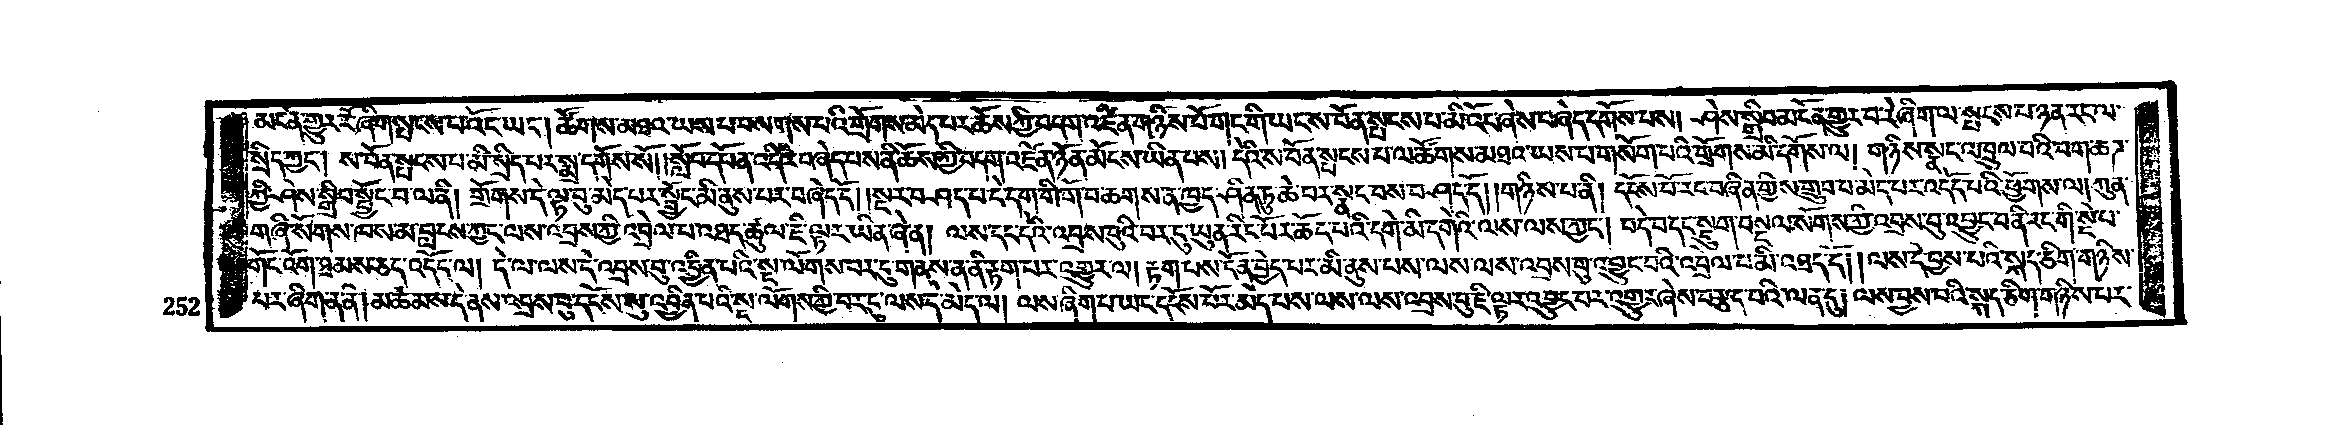མངོན་གྱུར་རེ་ཞིག་སྤངས་པ་འོང་ཡང་། ཚོགས་མཐའ་ཡས་པ་བསགས་པའི་གྲོགས་མེད་པར་ཆོས་ཀྱི་བདག་འཛིན་གཉིས་པོ་གང་གི་ཡང་ས་བོན་སྤངས་པ་མི་འོང་ཞེས་བཞེད་དགོས་པས། ཤེས་སྒྲིབ་མངོན་གྱུར་བ་རེ་ཞིག་ལ་སྤངས་པ་ཉན་རང་ལ་
སྲིད་ཀྱང་། ས་བོན་སྤངས་པ་མི་སྲིད་པར་སྨྲ་དགོས་སོ། །སློབ་དཔོན་འདིའི་བཞེད་པས་ནི་ཆོས་ཀྱི་བདག་འཛིན་ཉོན་མོངས་ཡིན་པས། དེའི་ས་བོན་སྤངས་པ་ལ་ཚོགས་མཐའ་ཡས་པ་གསོག་པའི་གྲོགས་མི་དགོས་ལ། གཉིས་སྣང་འཁྲུལ་པའི་བག་ཆགས་
ཀྱི་ཤེས་སྒྲིབ་སྦྱོང་བ་ལ་ནི། གྲོགས་དེ་ལྟ་བུ་མེད་པར་སྦྱོང་མི་ནུས་པར་བཞེད་དོ། །སྔར་བཤད་པ་དེ་དག་གི་གོ་བ་ཆགས་ན་ཁྱད་ཤིན་ཏུ་ཆེ་བར་སྣང་བས་བཤད་དོ། །གཉིས་པ་ནི། དངོས་པོ་རང་བཞིན་གྱིས་གྲུབ་པ་མེད་པར་འདོད་པའི་ཕྱོགས་ལ། ཀུན་
གཞི་སོགས་ཁས་མ་བླངས་ཀྱང་ལས་འབྲས་ཀྱི་འབྲེལ་པ་འཐད་ཚུལ་ཇི་ལྟར་ཡིན་ཞེ་ན། ལས་དང་དེའི་འབྲས་བུའི་བར་དུ་ཡུན་རིང་པོར་ཆོད་པའི་དགེ་མི་དགེའི་ལས་ལས་ཀྱང་། བདེ་བ་དང་སྡུག་བསྔལ་སོགས་ཀྱི་འབྲས་བུ་འབྱུང་བ་ནི་རང་གི་སྡེ་པ་
གོང་འོག་ཐམས་ཅད་འདོད་ལ། དེ་ལ་ལས་དེ་འབྲས་བུ་འབྱིན་པའི་སྔ་ལོགས་བར་དུ་གནས་ན་ནི་རྟག་པར་འགྱུར་ལ། རྟག་པས་དོན་བྱེད་པར་མི་ནུས་པས་ལས་ལས་འབྲས་བུ་འབྱུང་བའི་འབྲེལ་པ་མི་འཐད་དོ། །ལས་དེ་བྱས་པའི་སྐད་ཅིག་གཉིས་
པར་ཞིག་ན་ནི། མཚམས་དེ་ནས་འབྲས་བུ་དངོས་སུ་འབྱིན་པའི་སྔ་ལོགས་ཀྱི་བར་དུ་ལས་དེ་མེད་ལ། ལས་ཞིག་པ་ཡང་དངོས་པོར་མེད་པས་ལས་ལས་འབྲས་བུ་ཇི་ལྟར་འབྱུང་བར་འགྱུར་ཞེས་བརྩད་པའི་ལན་དུ། ལས་བྱས་པའི་སྐད་ཅིག་གཉིས་པར་